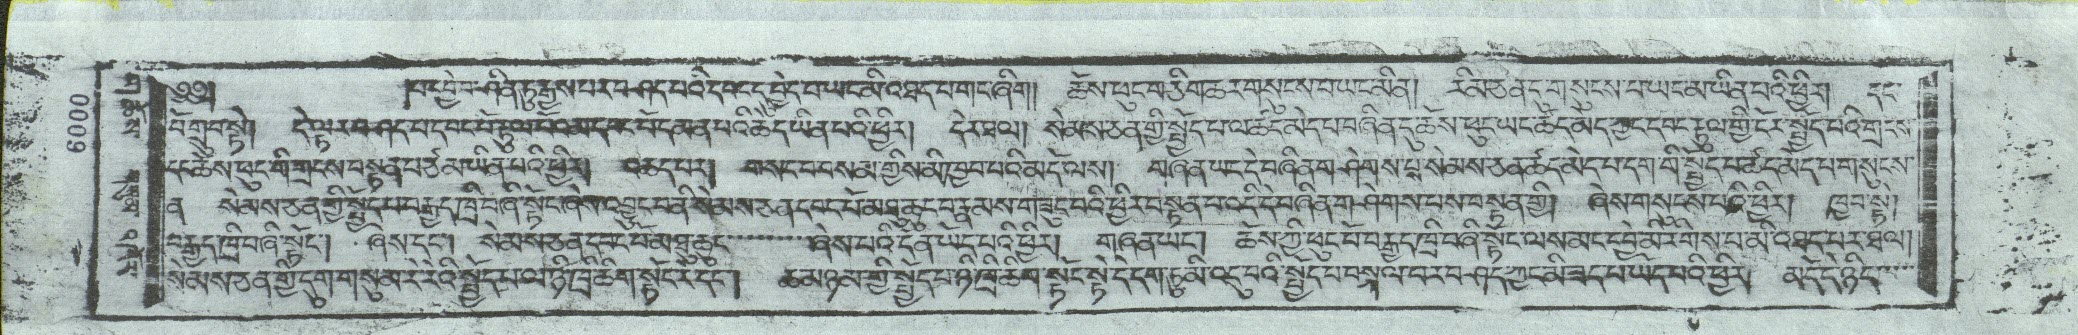༄༅། །པ་དབྱེ་བ་ཤིན་ཏུ་རྒྱས་པར་བཤད་པའི་དབང་དུ་བྱེད་པ་ཡང་མི་འཐད་པ་གང་ཞིག། ཆོས་ཕུང་གཅིག་ཆར་གསུངས་པ་ཡང་མིན། རིམ་ཅན་དུ་གསུངས་པ་ཡང་མ་ཡིན་པའི་ཕྱིར། དང་
པོ་གྲུབ་སྟེ། དེ་ལྟར་བཤད་པ་དབང་པོ་རྟུལ་པོའམ་དབང་པོ་དམན་པའི་ཆེད་ཡིན་པའི་ཕྱིར། དེར་ཐལ། སེམས་ཅན་གྱི་སྤྱོད་པ་ལ་ཚད་མེད་པ་བཞིན་དུ་ཆོས་ཕུང་ཡང་ཚད་མེད་ཀྱང་དབང་རྟུལ་གྱི་དོར་སྤྱོད་པའི་གྲངས་
དང་ཆོས་ཕུང་གི་གྲངས་བསྟན་པ་ཙམ་ཡིན་པའི་ཕྱིར། འཆད་པར། གསང་བ་བསམ་གྱིས་མི་ཁྱབ་པའི་མདོ་ལས། གཞན་ཡང་དེ་བཞིན་གཤེགས་པས་སེམས་ཅན་ཚད་མེད་པ་དག་གི་སྤྱོད་པ་ཚད་མེད་པ་གསུངས་
ན་སེམས་ཅན་གྱི་སྤྱོད་པ་བརྒྱད་ཁྲི་བཞི་སྟོང་ཞེས་འབྱུང་བ་ནི་སེམས་ཅན་དབང་པོ་མཐུ་ཆུང་བ་རྣམས་གཟུང་བའི་ཕྱིར་བསྟན་པ་འདི་དེ་བཞིན་གཤེགས་པས་བསྟན་གྱི། ཞེས་གསུངས་པའི་ཕྱིར། ཁྱབ་སྟེ།
བརྒྱད་ཁྲི་བཞི་སྟོང་། ཞེས་དང་། སེམས་ཅན་དབང་པོ་མཐུ་ཆུང་ཞེས་པའི་དོན་ཡོད་པའི་ཕྱིར། གཞན་ཡང་། ཆོས་ཀྱི་ཕུང་པོ་བརྒྱད་ཁྲི་བཞི་སྟོང་ལས་མང་དབྱེ་མི་རིགས་པ་མི་འཐད་པར་ཐལ།
སེམས་ཅན་གྱི་དུག་གསུམ་རེ་རེའི་སྤྱོད་པ་ལ་ཉི་ཁྲི་ཆིག་སྟོང་རེ་དང་། ཆ་མཉམ་གྱི་སྤྱོད་པ་ཉི་ཁྲི་ཆིག་སྟོང་སྟེ་དེ་དག་ཏུ་མི་འདུ་བའི་སྤྱོད་པ་བསྐལ་པར་བཤད་ཀྱང་མི་ཟད་པ་ཡོད་པའི་ཕྱིར། མདོ་དེ་ཉིད་